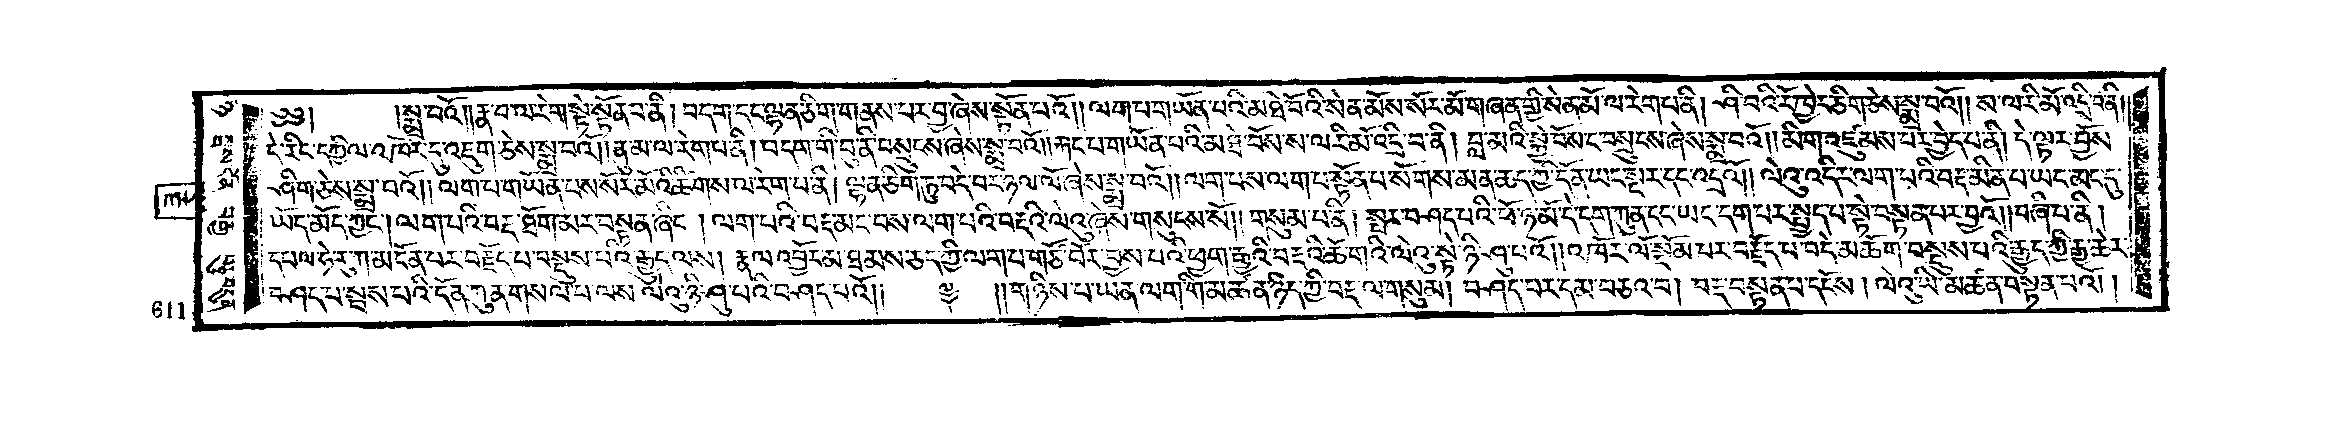༄༅། །སྨྲ་བའོ། །རྣ་བ་ལ་རེག་སྟེ་སྟོན་པ་ནི། བདག་དང་ལྷན་ཅིག་གནས་པར་བྱ་ཞེས་སྟོན་པའོ། །ལག་པ་གཡོན་པའི་མཐེ་བོའི་སེན་མོས་སོར་མོ་གཞན་གྱི་སེན་མོ་ལ་རེག་པ་ནི། ཤི་བའི་རོ་ཁྱེར་ཅིག་ཅེས་སྨྲ་བའོ། །ས་ལ་རི་མོ་འདྲི་བ་ནི།
དེ་རིང་དཀྱིལ་འཁོར་དུ་འཇུག་ཅེས་སྨྲ་བའོ། །ནུ་མ་ལ་རེག་པ་ནི། བདག་གི་བུ་ནི་བསྲུངས་ཞེས་སྨྲ་བའོ། །རྐང་པ་གཡོན་པའི་མཐེ་བོས་ས་ལ་རི་མོ་འདྲི་བ་ནི། བླ་མའི་སྐྱེ་བོས་ང་བསྲུངས་ཞེས་སྨྲ་བའོ། །མིག་འཛུམས་པར་བྱེད་པ་ནི། དེ་ལྟར་བྱོས་
ཤིག་ཅེས་སྨྲ་བའོ། །ལག་པ་གཡོན་པས་སོར་མོའི་ཚིགས་ལ་རེག་པ་ནི། ལྷན་ཅིག་ཏུ་བདེ་བར་ཉལ་ལོ་ཞེས་སྨྲ་བའོ། །ལག་པས་ལག་པ་སྟོན་པ་སོགས་མན་ཆད་ཀྱི་དོན་ཡང་སྔར་དང་འདྲའོ། །ལེའུ་འདིར་ལག་པའི་བརྡ་མིན་པ་ཡང་མང་དུ་
ཡོད་མོད་ཀྱང་། ལག་པའི་བརྡ་ཐོག་མར་བསྟན་ཞིང་། ལག་པའི་བརྡ་མང་བས་ལག་པའི་བརྡའི་ལེའུ་ཞེས་གསུངས་སོ། །གསུམ་པ་ནི། སྔར་བཤད་པའི་ཕོ་ཉ་མོ་དེ་དག་ཀུན་དང་ཡང་དག་པར་སྤྱད་པ་སྟེ་བསྟན་པར་བྱའོ། །བཞི་པ་ནི།
དཔལ་ཧེ་རུ་ཀ་མངོན་པར་བརྗོད་པ་བསྡུས་པའི་རྒྱུད་ལས། རྣལ་འབྱོར་མ་ཐམས་ཅད་ཀྱི་ལག་པ་གཙོ་བོར་བྱས་པའི་ཕྱག་རྒྱའི་བརྡའི་ཆོ་གའི་ལེའུ་སྟེ་ཉི་ཤུ་པའོ། །འཁོར་ལོ་སྡོམ་པར་བརྗོད་པ་བདེ་མཆོག་བསྡུས་པའི་རྒྱུད་ཀྱི་རྒྱ་ཆེར་
བཤད་པ་སྦས་པའི་དོན་ཀུན་གསལ་པ་ལས་ལེའུ་ཉི་ཤུ་པའི་བཤད་པའོ།། ༈ །།གཉིས་པ་ཡན་ལག་གི་མཚན་ཉིད་ཀྱི་བརྡ་ལ་གསུམ། བཤད་པར་དམ་བཅའ་བ། བརྡ་བསྟན་པ་དངོས། ལེའུ་ཡི་མཚན་བསྟན་པའོ། །